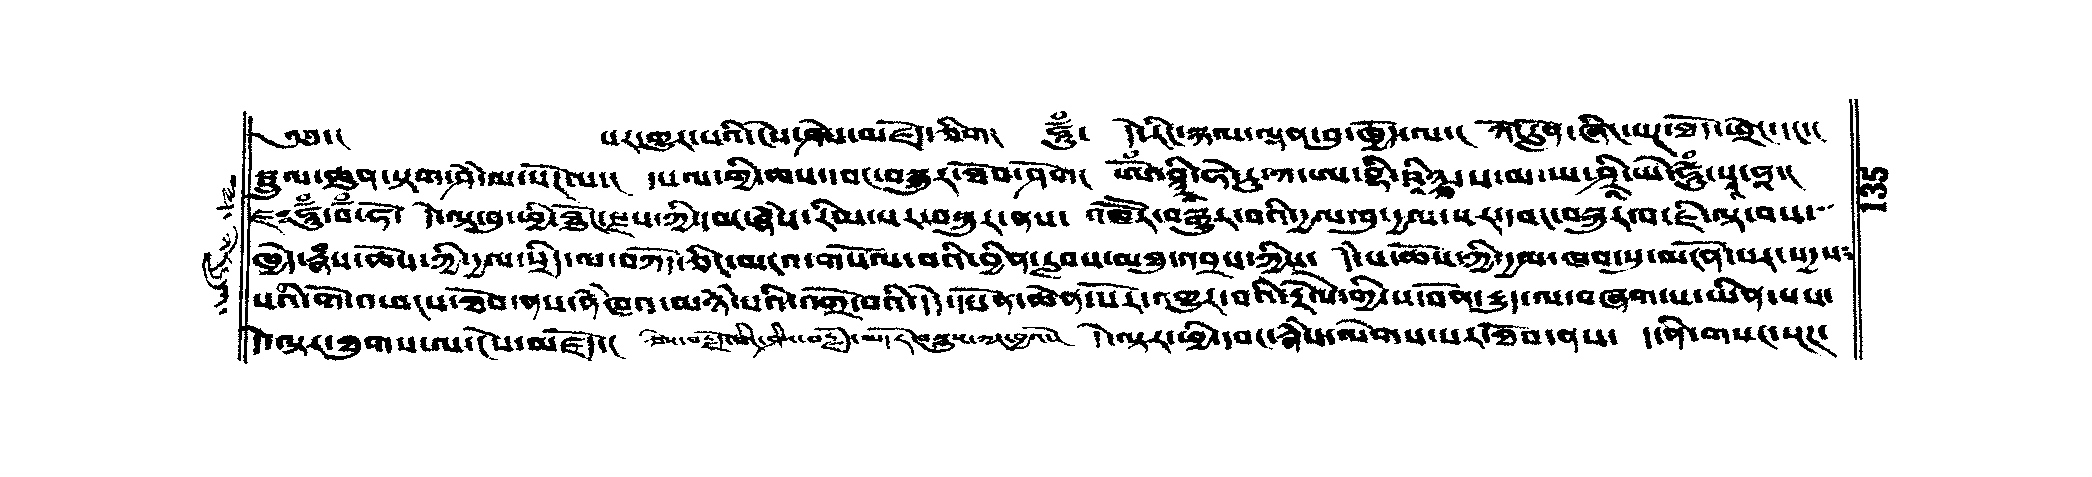པར་གྱུར་པའི་ངེས་ཤེས་མཛོད་ཅིག ཧཱུྃ། དེ་རིང་སྐལ་ལྡན་བུ་ཁྱོད་ལ། ཀོ་རློན་ཞིང་པགས་ཐོད་ཕྲེང་དང་། 
སྦྲུལ་ཆུན་སྟག་ཤམ་ལ་སོགས་ལ། དཔལ་གྱི་ཆས་དབང་བསྐུར་ཐོབ་ཤོག ཨོཾ་ཤྲཱི་ཧེ་རུ་ཀ་ཨ་བྷི་རཱིཉྩ་ས་མ་ཡ་ཤྲཱི་ཡེ་ཧཱུྃ་སྭཱ་ཧཱ། 
ཛཿཧཱུྃབྃ་ཧོ། དེ་ལྟར་བུ་ཕྱི་ཐུན་མོང་རྫས་ཀྱི་དབང་བྷྨས་རིམ་པར་བསྐུར་ནས། འཁོར་ལོ་བསྒྱུར་བའི་རྒྱལ་བུ་རྒྱལ་སར་དབང་བསྐུར་བ་ཇི་ལྟ་བས་
ཁྱེད་རྣམས་ཆོགས་ཀྱི་རྒྱལ་སྲིད་ལ་བཀོད་ཅིང་མངའ་གསོལ་བའི་བྱིན་རླབས་མཐུ་འབྲས་ཀྱིས། དམ་པ་ཆོས་ཀྱི་རྒྱལ་ཁབ་སུ་མངོན་པར་སངས་
པའི་གོ་འཕང་ཐོབ་ནས་ནམ་མཁའ་མཉམ་པའི་འགྲོ་བའི་དེད་དཔོན་ཆེན་པོར་འགྱུར་བའི་རྟེན་འབྲེལ་གྱི་ས་བོན་རྒྱུད་ལ་བཞག་པ་ཡིན་པས་
དེ་ལྟར་ཐུགས་ལ་ངེས་མཛོད། ཅེས་བརྗོད་ཅིང་ཤིས་བརྗོད་མདོར་བསྡུས་ཀྱང་བྱའོ། དེ་ལྟར་ཕྱི་དབང་རྣམས་ལེགས་པར་ཐོབ་ནས། ད་ནི་གསངས་སྔགས་